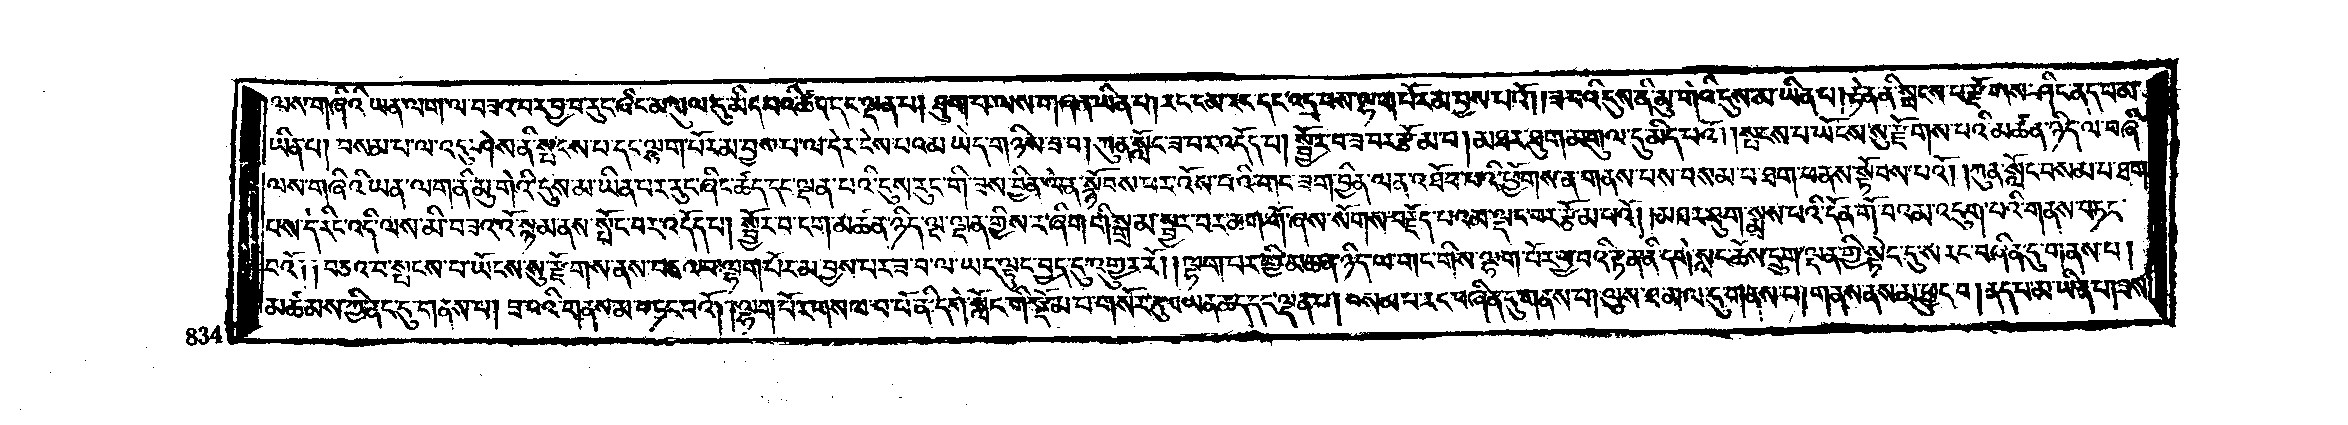ལས་གཞིའི་ཡན་ལག་ལ་བཟའ་བར་བྱ་བ་རུང་ཞིང་མ་གུལ་དུ་མིད་པའི་ཚད་དང་ལྡན་པ། ཐུག་པ་ལས་གཞན་ཡིན་པ། རང་ངམ་རང་དང་འདྲ་བས་ལྷག་པོར་མ་བྱས་པའོ། །ཟ་བའི་དུས་ནི་མུ་གེའི་དུས་མ་ཡིན་པ། རྟེན་ནི་སླངས་པ་རྫོགས་ཤིང་ནད་པ་མ་
ཡིན་པ། བསམ་པ་ལ་འདུ་ཤེས་ནི་སྤངས་པ་དང་ལྷག་པོར་མ་བྱས་པ་ལ་དེར་ངེས་པའམ་ཡེད་གཉིས་ཟ་བ། ཀུན་སློང་ཟ་བར་འདོད་པ། སྦྱོར་བ་ཟ་བར་རྩོམ་པ། མཐར་ཐུག་མགུལ་དུ་མིད་པའོ། །སྤངས་པ་ཡོངས་སུ་རྫོགས་པའི་མཚན་ཉིད་ལ་བཞི་
ལས་གཞིའི་ཡན་ལག་ནི་མུ་གེའི་དུས་མ་ཡིན་པར་རུང་ཞིང་ཚད་དང་ལྡན་པའི་དུས་རུང་གི་ཟས་བྱིན་ལེན་སྙོབས་པར་འོས་པའི་གང་ཟག་བྱིན་ལན་འཐོབ་པའི་ཕྱོགས་ན་གནས་པས་བསམ་པ་ཐག་ཕ་ནས་སྟོབས་པའོ། །ཀུན་སློང་བསམ་པ་ཐག་
པས་དེ་རིང་འདི་ལས་མི་བཟའ་འོ་སྙམ་ནས་སྤོང་བར་འདོད་པ། སྦྱོར་བ་ངག་མཚན་ཉིད་ལྔ་ལྡན་གྱིས་ར་ཞིག་གི་སྒྲ་མ་སྦྱར་བར་ཆག་གོ་ཞས་སོགས་བརྗོད་པའམ་ལྡང་བར་རྩོམ་པའོ། །མཐར་ཐུག་སྨྲས་པའི་དོན་གོ་པའམ་འདུག་པའི་གནས་བཏང་
བའོ༑ ༑བཅའ་བ་སྤངས་པ་ཡོངས་སུ་རྫོགས་ནས་བཅལ་བ་ལྷག་པོར་མ་བྱས་པར་ཟ་བ་ལ་ཡང་ལྟུང་བྱད་དུ་འགྱུར་རོ། །ལྷག་པར་གྱི་མཚན་ཉིད་ལ་གང་གིས་ལྷག་པོར་བྱ་བའི་རྟན་ནི་དགེ་སླང་ཆོས་དྲུག་ལྡན་གྱི་སྟེང་དུ་ས་རང་བཞིན་དུ་གནས་པ།
མཚམས་ཀྱི་ནང་དུ་གནས་པ། བྲ་བའི་གནས་མ་བཏང་བའོ། །ལྷག་པོར་གསལ་བ་པོ་ནི་དགེ་སློང་གི་སྡོམ་པ་གསོར་དུ་བ་ཡན་ཆད་དང་ལྡན་པ། བསམ་པ་རང་བཞིན་དུ་གནས་པ། ལུས་ཐ་མལ་དུ་གནས་པ། གནས་ནས་མ་ཕྱུང་བ། ནད་པ་མ་ཡིན་པ། ཟས་